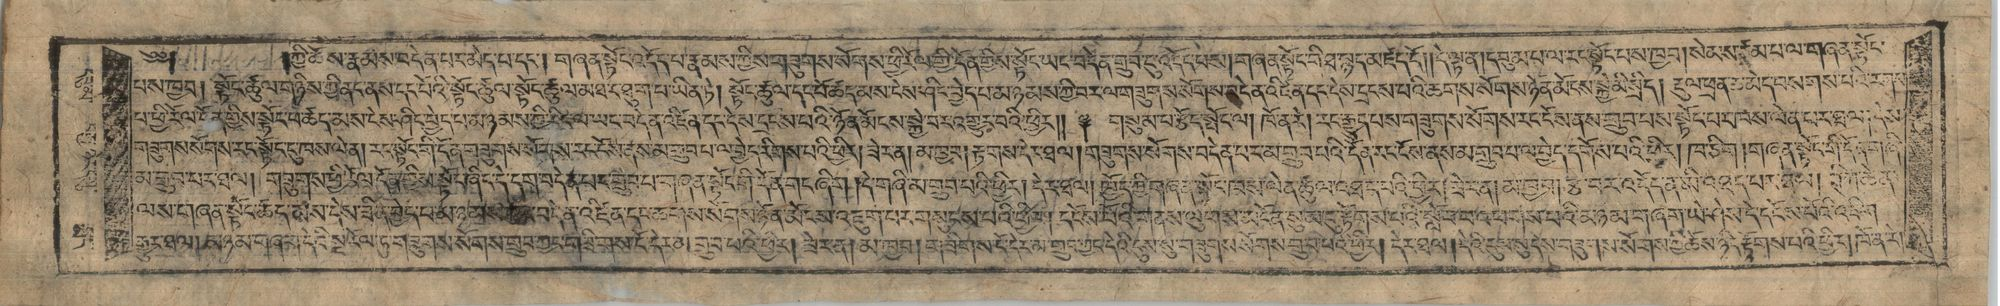༄༅། །ཀྱི་ཆོས་རྣམས་བདེན་པར་མེད་པ་དང་། གཞན་སྟོང་འདོད་པ་རྣམས་ཀྱིས་གཟུགས་སོགས་ཕྱི་རོལ་གྱི་དོན་གྱིས་སྟོང་ཡང་བདེན་གྲུབ་དུ་འདོད་པས། གཞན་སྟོང་གི་ཐ་སྙད་མཛད་དོ། །དེ་ལྟ་ན། དབུ་མ་པ་ལ་རང་སྟོང་པས་ཁྱབ། སེམས་ཙམ་པ་ལ་གཞན་སྟོང་
པས་ཁྱབ། སྟོང་ཚུལ་གཉིས་ཀྱི་ནང་ནས་དང་པོའི་སྟོང་ཚུལ་སྟོང་ཚུལ་མཐར་ཐུག་པ་ཡིན་ཏེ། སྟོང་ཚུལ་དང་པོ་ཚད་མས་ངེས་ཤིང་བྱེད་པ་མ་ཉམས་ཀྱི་བར་ལ་གཟུགས་སོགས་བདེན་འཛིན་དང་དེས་དྲངས་པའི་ཆགས་སོགས་ཉོན་མོངས་སྐྱེ་མི་སྲིད། རྡུལ་ཕྲན་ཆ་མེད་བསགས་པའི་རགས་
པ་ཕྱི་རོལ་དོན་གྱིས་སྟོང་པ་ཚད་མས་ངེས་ཤིང་བྱེད་པ་མ་ཉམས་ཀྱི་རིང་ལ་ཡང་བདེན་འཛིན་དང་དེས་དྲངས་པའི་ཉོན་མོངས་སྐྱེ་བར་འགྱུར་བའི་ཕྱིར།། ༈ གསུམ་པ་རྩོད་སྤོང་ལ། ཁོ་ན་རེ། རང་རྒྱུད་པས་གཟུགས་སོགས་རང་ངོས་ནས་གྲུབ་པས་སྟོང་པར་ཁས་ལེན་པར་ཐལ། དེས་
གཟུགས་སོགས་རང་སྟོང་དུ་ཁས་ལེན། རང་སྟོང་གི་དོན་གཟུགས་སོགས་རང་ངོས་ནས་མ་གྲུབ་པ་ལ་བྱེད་རིགས་པའི་ཕྱིར། ཟེར་ན། མ་ཁྱབ། རྟགས་དེར་ཐལ། གཟུགས་སོགས་བདེན་པར་མ་གྲུབ་པའི་དོན་རང་ངོས་ནས་མ་གྲུབ་པ་ལ་བྱེད་དགོས་པའི་ཕྱིར། ཁ་ཅིག ། གཞན་སྟོང་གི་དོན་གཞི་
མ་གྲུབ་པར་ཐལ། གཟུགས་ཕྱི་རོལ་དོན་གྱིས་སྟོང་ཞིང་དེ་དག་བདེན་པར་གྲུབ་པ་གཞན་སྟོང་གི་དོན་གང་ཞིག ། དེ་གཞི་མ་གྲུབ་པའི་ཕྱིར། དེར་ཐལ། ཁྱོད་ཀྱི་གཞན་སྟོང་ཁས་ལེན་ཚུལ་འཐད་པའི་ཕྱིར། ཟེར་ན། མ་ཁྱབ། རྩ་བར་འདོད་ན་མི་འཐད་པར་ཐལ། ཊིཀ་ཆེན་
ལས་གཞན་སྟོང་ཚད་མས་ངེས་ཟིན་བྱེད་པ་མ་ཉམས་ཀྱང་བདེན་འཛིན་དང་ཆགས་སོགས་ཉོན་མོངས་འཇུག་པར་གསུངས་པའི་ཕྱིར། དངོས་པོའི་གནས་ལུགས་མངོན་སུམ་དུ་རྟོགས་པའི་སློབ་པ་འཕགས་པའི་མཉམ་གཞག་ཡེ་ཤེས་དེ་དངོས་པོའི་འཇིག་
རྒྱུར་ཐལ། མཉམ་གཞག་དེའི་སྔ་རོལ་ཏུ་གཟུགས་སོགས་གྲུབ་ཀྱང་གཟིགས་ངོ་དེར་མ་གྲུབ་པའི་ཕྱིར། ཟེར་ན། མ་ཁྱབ། གཟིགས་ངོ་དེར་མ་གྲུབ་ཀྱང་དེའི་དུས་སུ་གཟུགས་སོགས་གྲུབ་པའི་ཕྱིར། དེར་ཐལ། དེའི་དུས་སུ་དེས་གཟུགས་སོགས་ཀྱི་ཆོས་ཉིད་རྟོགས་པའི་ཕྱིར། ཁོ་ན་རེ་